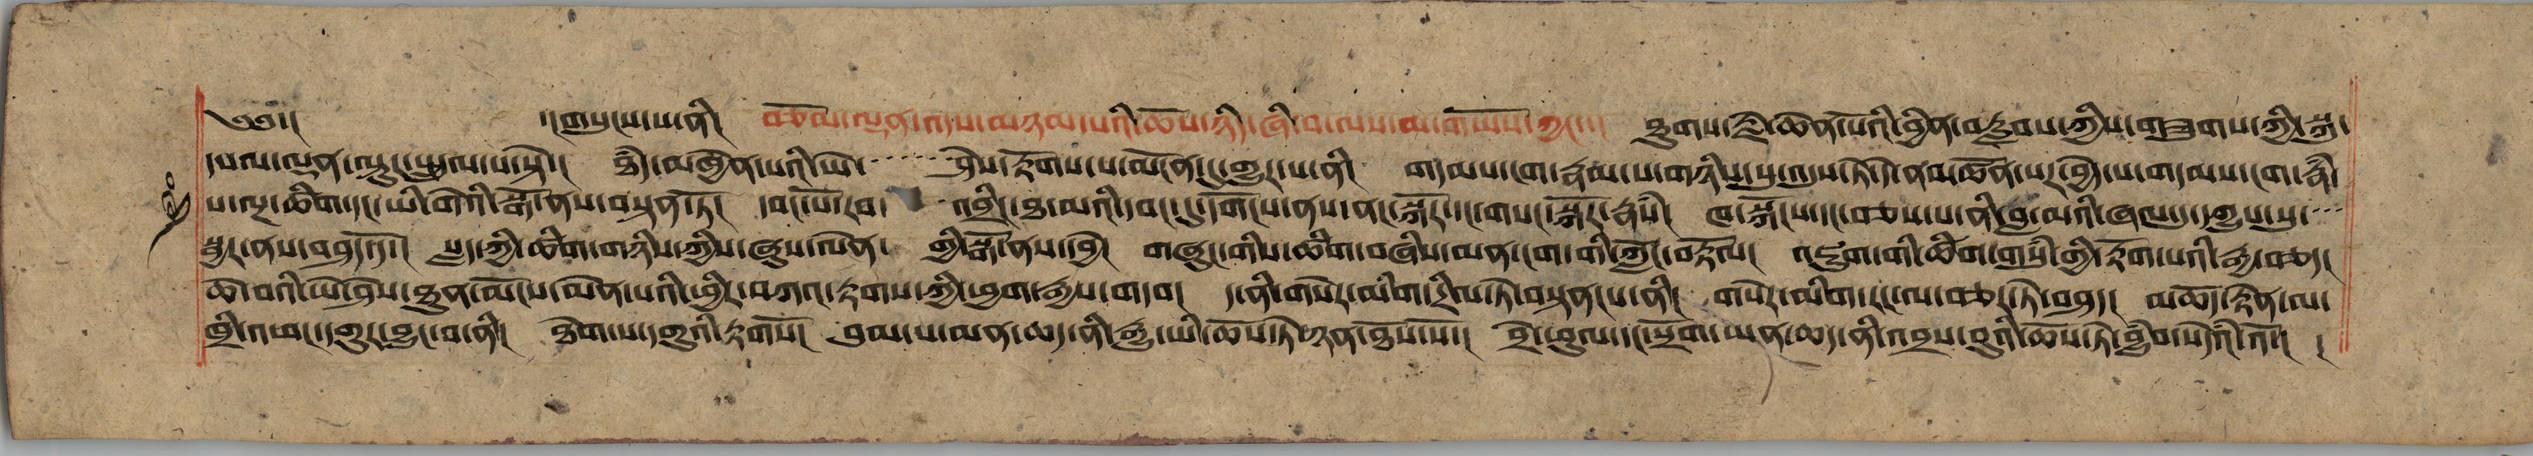༄༅་། ་།གསུངས་པ་ནི། བཅོམ་ལྡན་འདས་མཉམ་པའི་ཆོས་ཉིད་ཞི་བ་ལས་མ་གཡོས་ཀྱང་་། ཐུགས་རྗེ་ཆེན་པོའི་བྱིན་བརླབས་ཀྱིས་གཟུགས་ཀྱི་སྐུ་
དཔལ་ལྡན་ལྟུར་སྤྲུལ་པ་སྟེ་། ཐཾད་མཁྱེན་པའི་ཡེ་ ཤེས་རྟོགས་པ་མངོན་དུ་གྱུར་པ་ནི། གདམས་ངག་རྣམ་པ་གཉིས་སུ་འདུས་ཏེ་དེ་ནས་ཚོན་པར་བྱེད་པ་གདམས་ངག་རྣཾ་
ས་ལྔ་ཚིག་དང་ཡི་གེའི་སྒོ་ནས་བསྟན་ཏོ། དབང་པོ་རབ་ འབྲིང་ཐ་མའི་དབང་དུ་དགོངས་ནས་ནང་སྐོར་དང་གསང་སྐོར་རྣཾས། ཁ་སྐོངས་དང་བཅས་པ་ནི་བླ་མའི་ཞལ་དུ་དགྱུས་སུ་
སྦྱར་ནས་བཤད་དོ་། སླད་ཀྱི་ཚིག་གཉིས་ཀྱིས་ཞུས་ལེན་ གྱི་སྒོ་ནས་དབྱེ། གཞུང་གིས་ཚིག་བཞིས་མན་ངག་གི་ཀློང་བརྟོལ། འཇུག་གི་ཚིག་གསུཾ་གྱི་རྟོག་པའི་རྒྱ་བཅད།
ཆེ་བའི་ཡེ་ཤེས་ཐུན་མོངས་མེན་པའི་ཕྱིར་བཀའ་རྟགས་ཀྱི་ཕྱག་རྒྱས་གདབ། ད་ནི་གསེར་མིག་དྲིལ་ཏེ་བསྟན།ས་ནི། གསེར་མིག་རང་ལ་བཅར་ཏེ་བཤད། མཆོད་རྟེན་ལ་
ཁྲི་འཕང་དགུར་བྱུང་བ་ནི། ཐེག་པ་དགུའི་རྟགོས། བུམ་པ་མན་ཆད་ནི་རྒྱུ་ཡི་ཆོས་ཏེ་ཉན་ཐོས་སོ་། བྲེ་ཕུལ་དང་སྲོག་མན་ཆད་ནི་འབྲས་བུའི་ཆོས་ཏེ་བྱུཾབ་སེདའཾ་འོ་།